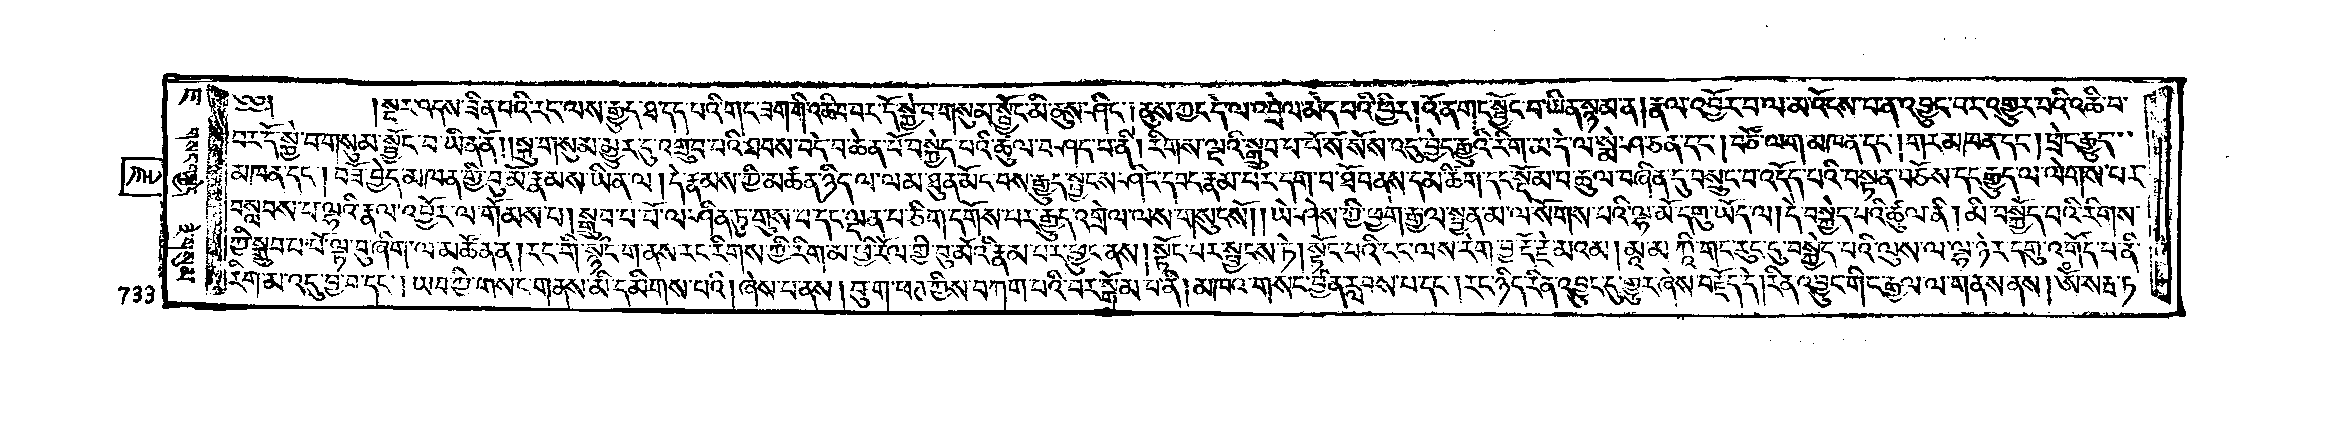༄༅། །སྔར་འདས་ཟིན་པའི་རང་ལས་རྒྱུད་ཐ་དད་པའི་གང་ཟག་གི་འཆི་བ་བར་དོ་སྐྱེ་བ་གསུམ་སྦྱོང་མི་ནུས་ཤིང་། ནུས་ཀྱང་དེ་ལ་འབྲེལ་མེད་པའི་ཕྱིར། འོ་ན་གང་སྦྱོང་བ་ཡིན་སྙམ་ན། རྣལ་འབྱོར་པ་ལ་མ་འོངས་པ་ན་འབྱུང་བར་འགྱུར་བའི་འཆི་བ་
བར་དོ་སྐྱེ་བ་གསུམ་སྦྱོང་བ་ཡིན་ནོ། །སྐུ་གསུམ་མྱུར་དུ་འགྲུབ་པའི་ཐབས་བདེ་བ་ཆེན་པོ་བསྐྱེད་པའི་ཚུལ་བཤད་པ་ནི། རིགས་ལྔའི་སྒྲུབ་པ་པོ་སོ་སོས་འདུ་བྱེད་རྒྱུའི་རིག་མ་དེ་ལ་སྨེ་ཤ་ཅན་དང་། བཙོ་ལག་མཁན་དང་། གར་མཁན་དང་། ཕྲེང་རྒྱུད་
མཁན་དང་། བཟོ་བྱེད་མཁན་གྱི་བུ་མོ་རྣམས་ཡིན་ལ། དེ་རྣམས་ཀྱི་མཚན་ཉིད་ལ་ལམ་ཐུན་མོང་བས་རྒྱུད་སྦྱངས་ཤིང་དབང་རྣམ་པར་དག་པ་ཐོབ་ནས་དམ་ཚིག་དང་སྡོམ་པ་ཚུལ་བཞིན་དུ་བསྲུང་བ་འདོད་པའི་བསྟན་བཅོས་དང་རྒྱུད་ལ་ལེགས་པར་
བསླབས་པ་ལྷའི་རྣལ་འབྱོར་ལ་གོམས་པ། སྒྲུབ་པ་པོ་ལ་ཤིན་ཏུ་གུས་པ་དང་ལྡན་པ་ཅིག་དགོས་པར་རྒྱུད་འགྲེལ་ལས་གསུངས་སོ། །ཡེ་ཤེས་ཀྱི་ཕྱག་རྒྱ་ལ་སྤྱན་མ་ལ་སོགས་པའི་ལྷ་མོ་དགུ་ཡོད་ལ། དེ་བསྐྱེད་པའི་ཚུལ་ནི། མི་བསྐྱོད་པའི་རིགས་
ཀྱི་སྒྲུབ་པ་པོ་ལྟ་བུ་ཞིག་ལ་མཚོན་ན། རང་གི་སྙིང་ག་ནས་རང་རིགས་ཀྱི་རིག་མ་ཕྱི་རོལ་གྱི་བུ་མོའི་རྣམ་པར་ཕྱུང་ནས། སྟོང་པར་སྦྱངས་ཏེ། སྟོང་པའི་ངང་ལས་རེག་བྱ་རྡོ་རྗེ་མའམ། མཱ་མ་ཀཱི་གང་རུང་དུ་བསྐྱེད་པའི་ལུས་ལ་ལྷ་ཉེར་དགུ་འགོད་པ་ནི་
རིག་མ་འདུ་བྱ་བ་དང་། ཡབ་ཀྱི་གསང་གནས་མི་དམིགས་པའི། ཞེས་པ་ནས། བུ་ག་ཕཊ་ཀྱིས་བཀག་པའི་བར་སྒོམ་པ་ནི། མཁའ་གསང་བྱིན་རླབས་པ་དང་། རང་ཉིད་རིན་འབྱུང་དུ་གྱུར་ཞེས་བརྗོད་དེ། རིན་འབྱུང་གི་ང་རྒྱལ་ལ་གནས་ནས། ཨོཾ་སརྦ་ཏ་